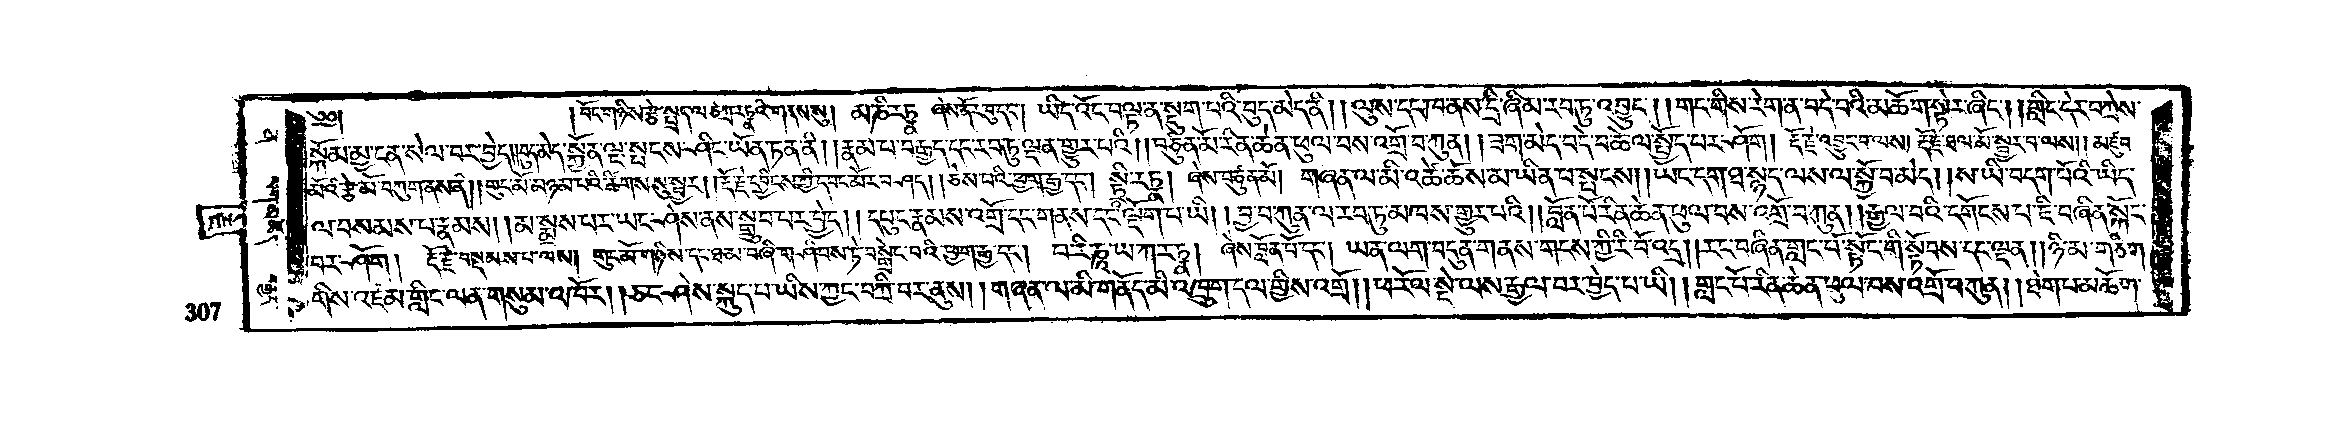༄༅། །བོང་གཉིས་རྩེ་སྤྲད་ལ་ཙ་ཀྲ་རཏྣའི་གནས་སུ། མ་ཎི་རཏྣ་ཞེས་ནོར་བུ་དང་།  ཡིད་འོང་བལྟ་ན་སྡུག་པའི་བུད་མེད་ནི། །ལུས་དང་ཁ་ནས་དྲི་ཞིམ་རབ་ཏུ་འབྱུང་། །གང་གིས་རེག་ན་བདེ་བའི་མཆོག་སྟེར་ཞིང་། །གླིང་དེར་བཀྲེས་
སྐོམ་མྱ་ངན་སེལ་བར་བྱེད། །བུད་མེད་སྐྱོན་ལྔ་སྤངས་ཤིང་ཡོན་ཏན་ནི། །རྣམ་པ་བརྒྱད་དང་རབ་ཏུ་ལྡན་གྱུར་པའི། །བཙུན་མོ་རིན་ཆེན་ཕུལ་བས་འགྲོ་བ་ཀུན། །ཟག་མེད་བདེ་བ་ཆེ་ལ་སྤྱོད་པར་ཤོག །རྡོ་རྗེ་འབྱུང་བ་ལས། རྡོ་རྗེ་ཐལ་མོ་སྦྱར་བ་ལས། །མཛུབ་
མོའི་རྩེ་མོ་བཀུག་ནས་ནི། །གུང་མོ་མཉམ་པའི་ཚིགས་སུ་སྦྱར། །རྡོ་རྗེ་དབྱིངས་ཀྱི་དབང་མོར་བཤད། །ཅེས་པའི་ཕྱག་རྒྱ་དང་། སྟྲཱི་རཏྣ། ཞེས་བཙུན་མོ།  གཞན་ལ་མི་འཚེ་ཆོས་མ་ཡིན་པ་སྤངས། །ཡང་དག་ཐ་སྙད་ལས་ལ་སྐྱོ་བ་མེད། །ས་ཡི་བདག་པོའི་ཡིད་
ལ་བསམས་པ་རྣམས། །མ་སྨྲས་པར་ཡང་ཤེས་ནས་སྒྲུབ་པར་བྱེད། །དཔུང་རྣམས་འགྲོ་དང་གནས་དང་ལྡོག་པ་ཡི། །བྱ་བ་ཀུན་ལ་རབ་ཏུ་མཁས་གྱུར་པའི། །བློན་པོ་རིན་ཆེན་ཕུལ་བས་འགྲོ་བ་ཀུན། །རྒྱལ་བའི་དགོངས་པ་ཇི་བཞིན་སྐོང་
བར་ཤོག ། རྡོ་རྗེ་བསྡམས་པ་ལས། གུང་མོ་གཉིས་དང་ཐ་མ་བཞི་གཤིབས་ཏེ་བསྒྲེང་བའི་ཕྱག་རྒྱ་དང་།  པ་རི་ཎཱ་ཡ་ཀ་རཏྣ། ཞེས་བློན་པོ་དང་།  ཡན་ལག་བདུན་གནས་གངས་ཀྱི་རི་བོ་འདྲ། །རང་བཞིན་གླང་པོ་སྟོང་གི་སྟོབས་དང་ལྡན། །ཉི་མ་གཅིག་
གིས་འཛམ་གླིང་ལན་གསུམ་འཁོར། །ཅང་ཤེས་སྐུད་པ་ཡིས་ཀྱང་བཀྲི་བར་ནུས། །གཞན་ལ་མི་གནོད་མི་འཁྲུག་དལ་གྱིས་འགྲོ། །ཕ་རོལ་སྡེ་ལས་རྒྱལ་བར་བྱེད་པ་ཡི། །གླང་པོ་རིན་ཆེན་ཕུལ་བས་འགྲོ་བ་ཀུན། །ཐེག་པ་མཆོག་